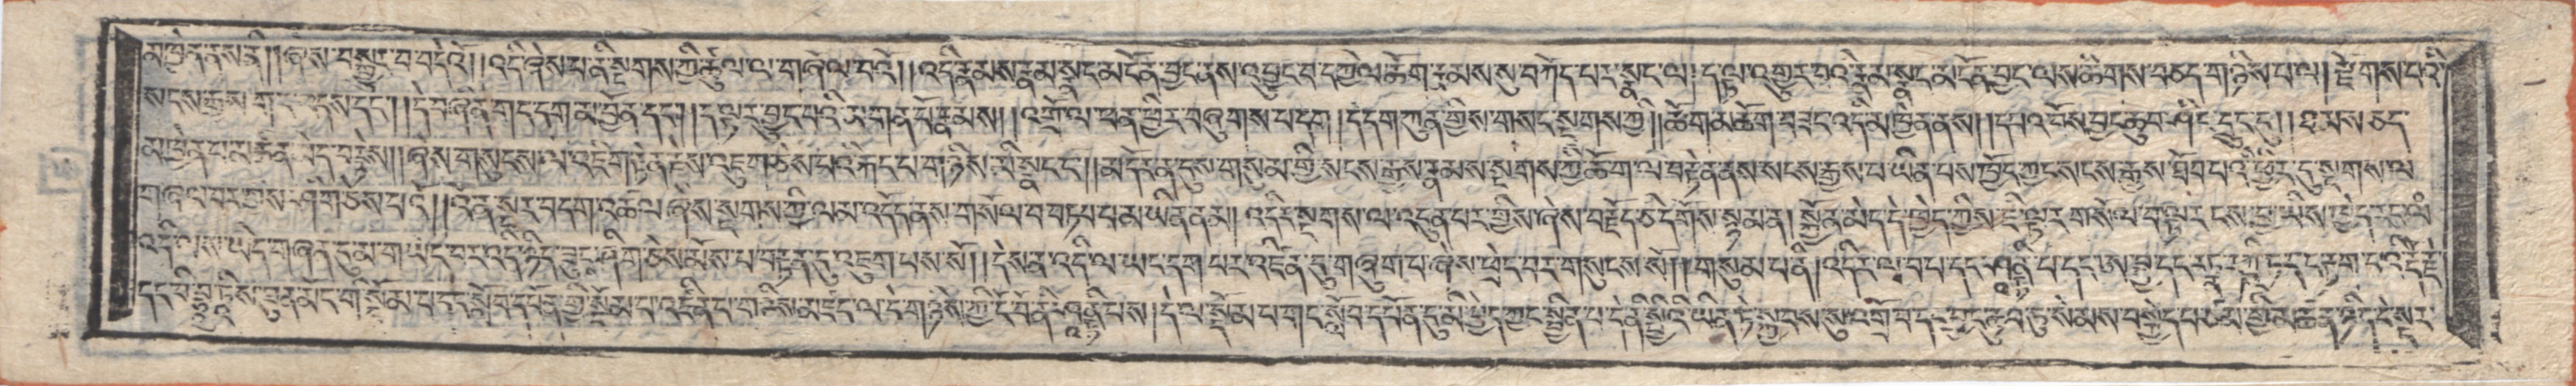མཁྱེན་ནས་ནི། །ཞེས་བསྒྱུར་བ་བདེའོ། །འདི་ཞེས་པ་ནི་སྔགས་ཀྱི་ཚུལ་ལ་གཞོལ་བའོ། །འདི་རྣམས་རྣམ་སྣང་མངོན་བྱང་ནས་འབྱུང་བ་དཀྱིལ་ཆོག་རྣམས་སུ་བཀོད་པར་སྣང་ལ། ད་ལྟ་འགྱུར་བའི་རྣམ་སྣང་མངོན་བྱང་ལས་ཚིགས་བཅད་གཉིས་པ་ལ། རྫོགས་པའི་
སངས་རྒྱས་གང་འདས་དང་། །དེ་བཞིན་གང་དག་མ་བྱོན་དང་། །ད་ལྟར་བྱུང་པའི་མགོན་པོ་རྣམས། །འགྲོ་ལ་ཕན་ཕྱིར་བཞུགས་པ་དག །དེ་དག་ཀུན་གྱིས་གསང་སྔགས་ཀྱི། །ཆོ་ག་མཆོག་བཟང་འདི་མཁྱེན་ནས། །དཔའ་བོས་བྱང་ཆུབ་ཤིང་དྲུང་དུ། །ཐམས་ཅད་
མཁྱེན་པ་མཚན་མེད་བརྙེས། །ཞེས་གསུངས་ལ་འཇིག་རྟེན་རྗེས་འཇུག་ཅེས་པའི་རྐང་པ་གཉིས་མི་སྣང་ངོ། །མདོར་ན་དུས་གསུམ་གྱི་སངས་རྒྱས་རྣམས་སྔགས་ཀྱི་ཆོ་ག་ལ་བརྟེན་ནས་སངས་རྒྱས་པ་ཡིན་པས་ཁྱོད་ཀྱང་སངས་རྒྱས་ཐོབ་པའི་ཕྱིར་དུ་སྔགས་ལ་
གཞལ་བར་གྱིས་ཤིག་ཅེས་པའོ། །འོ་ན་སྔར་བདག་འཚལ་ཞེས་སྔགས་ཀྱི་ལམ་འདོད་ནས་གསོལ་བ་བཏབ་པ་མ་ཡིན་ནམ། འདིར་སྔགས་ལ་འདུན་པར་གྱིས་ཞེས་བརྗོད་ཅི་དགོས་སྙམ་ན། སྐྱོན་མེད་དེ་ཁྱེད་ཀྱིས་ཇི་ལྟར་གསོལ་བ་ལྟར་ངས་བྱ་ཡིས་ཁྱེད་རང་ལཾ་
འདི་ལས་ཡིད་གཞན་དུ་མ་གཡེང་བར་འདི་ཉིད་ཟུངས་ཤིག་ཅེས་མོས་པ་བརྟན་དུ་འཇུག་པས་སོ། །དེས་ན་འདི་ལ་ཡང་དག་པར་འཛིན་དུ་གཞུག་པ་ཞེས་ཕྲེང་བར་གསུངས་སོ། །གསུམ་པ་ནི། འདིར་ལྭ་བ་པ་དང་ཤཱནྟི་པ་དང་ཨ་བྷྱ་དང་རཏྣ་རཀྵི་ཏ་དང་རྟག་པའི་རྡོ་རྗེ་
དང་བི་བྷཱུ་ཏཱིས་ཐུན་མོང་གི་སྡོམ་པ་དང་སློབ་དཔོན་གྱི་སྡོམ་པ་འཛིན་པ་གཉིས་མཛད་ལ་དེ་གཉིས་ཀྱི་ངོ་བོ་ནི་ཤྰྣྟི་པས། དེ་ལ་སྡོམ་པ་གང་སློབ་དཔོན་དུ་མི་བྱེད་ཀྱང་སྦྱིན་པ་དེ་ནི་སྤྱིའི་ཡིན་ཏེ་སྐྱབས་སུ་འགྲོ་བ་དང་བྱང་ཆུབ་ཏུ་སེམས་བསྐྱེད་པ་ཙམ་གྱི་མཚན་ཉིད་དེ་སྔར་